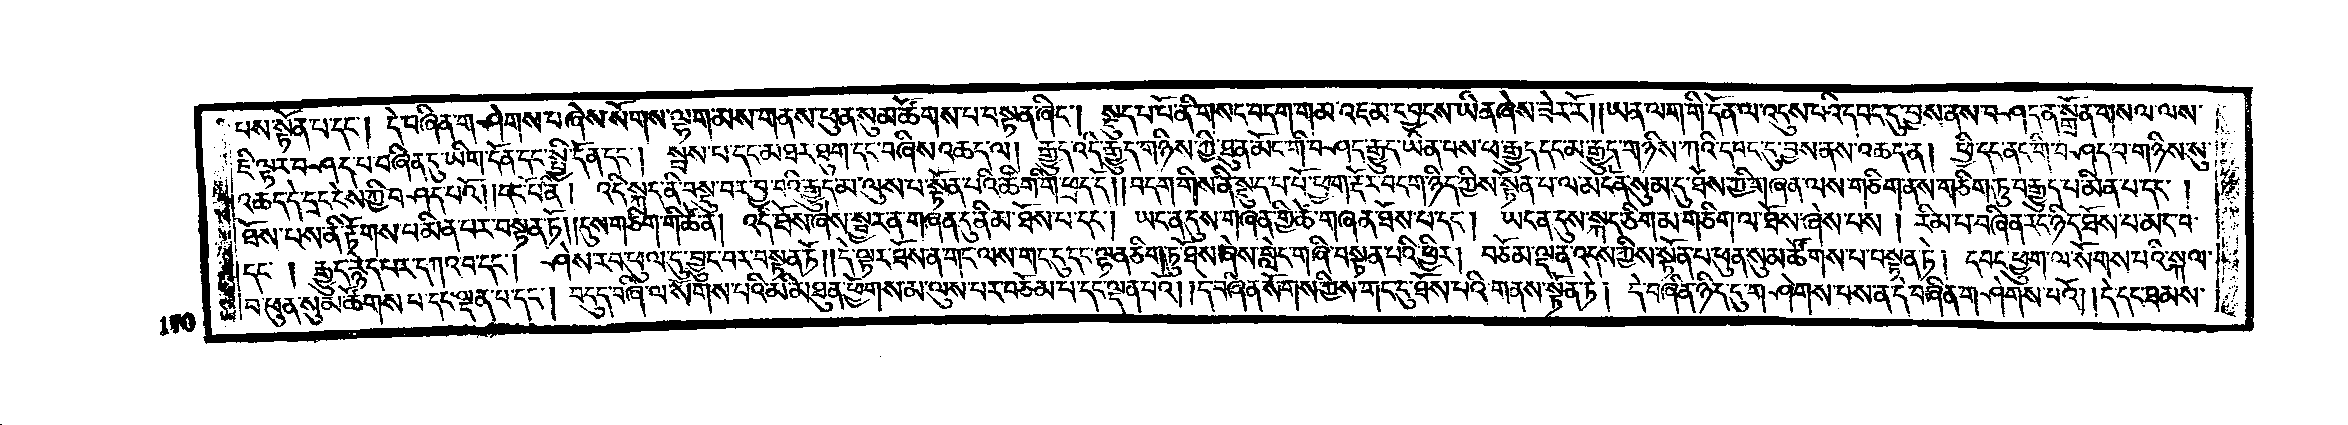པས་སྟོན་པ་དང་། དེ་བཞིན་གཤེགས་པ་ཞེས་སོགས་ལྷག་མས་གནས་ཕུན་སུམ་ཚོགས་པ་བསྟན་ཞིང་། སྡུད་པ་པོ་ནི་གསང་བདག་གམ་འཇམ་དབྱངས་ཡིན་ཞེས་ཟེར་རོ། །ཡན་ལག་གི་དོན་ལ་འདུས་པའི་དབང་དུ་བྱས་ནས་བཤད་ན་སྒྲོན་གསལ་ལས་
ཇི་ལྟར་བཤད་པ་བཞིན་དུ་ཡིག་དོན་དང་སྤྱི་དོན་དང་། སྦས་པ་དང་མཐར་ཐུག་དང་བཞིས་འཆད་ལ། རྒྱུད་འདི་རྒྱུད་གཉིས་ཀྱི་ཐུན་མོང་གི་བཤད་རྒྱུད་ཡིན་པས་ཕ་རྒྱུད་དང་མ་རྒྱུད་གཉིས་ཀའི་དབང་དུ་བྱས་ནས་འཆད་ན། ཕྱི་དང་ནང་གི་བཤད་པ་གཉིས་སུ་
འཆད་དེ་དྲང་ངེས་ཀྱི་བཤད་པའོ། །དང་པོ་ནི། འདི་སྐད་ནི་བསྡུ་བར་བྱ་བའི་རྒྱུད་མ་ལུས་པ་སྟོན་པའི་ཚིག་གི་ཕྲད་དོ། །བདག་གིས་ནི་སྡུད་པ་པོ་ཕྱག་རྡོར་བདག་ཉིད་ཀྱིས་སྟོན་པ་ལ་མངོན་སུམ་དུ་ཐོས་ཀྱི་གཞན་ལས་གཅིག་ནས་གཅིག་ཏུ་བརྒྱུད་པ་མིན་པ་དང་།
ཐོས་པས་ནི་རྟོགས་པ་མིན་པར་བསྟན་ཏོ། །དུས་གཅིག་གི་ཚེ་ན། འདི་ཐོས་ཞེས་སྦྱར་ན་གཞན་དུ་ནི་མ་ཐོས་པ་དང་། ཡང་ན་དུས་གཞན་གྱི་ཚེ་གཞན་ཐོས་པ་དང་། ཡང་ན་དུས་སྐད་ཅིག་མ་གཅིག་ལ་ཐོས་ཞེས་པས། རིམ་པ་བཞིན་རང་ཉིད་ཐོས་པ་མང་བ་
དང་། རྒྱུད་རྙེད་པར་དཀའ་བ་དང་། ཤེས་རབ་ཕུལ་དུ་བྱུང་བར་བསྟན་ཏོ། །དེ་ལྟར་ཐོས་ན་གང་ལས་གང་དུ་དང་ལྷན་ཅིག་ཏུ་ཐོས་ཞེས་གླེང་གཞི་བསྟན་པའི་ཕྱིར། བཅོམ་ལྡན་འདས་ཀྱིས་སྟོན་པ་ཕུན་སུམ་ཚོགས་པ་བསྟན་ཏེ། དབང་ཕྱུག་ལ་སོགས་པའི་སྐལ་
པ་ཕུན་སུམ་ཚོགས་པ་དང་ལྡན་པ་དང་། བདུད་བཞི་ལ་སོགས་པའི་མི་མཐུན་ཕྱོགས་མ་ལུས་པར་བཅོམ་པ་དང་ལྡན་པའོ། །དེ་བཞིན་སོགས་ཀྱིས་གང་དུ་ཐོས་པའི་གནས་སྟོན་ཏེ། དེ་བཞིན་ཉིད་དུ་གཤེགས་པས་ན་དེ་བཞིན་གཤེགས་པའོ། །དེ་དང་ཐམས་